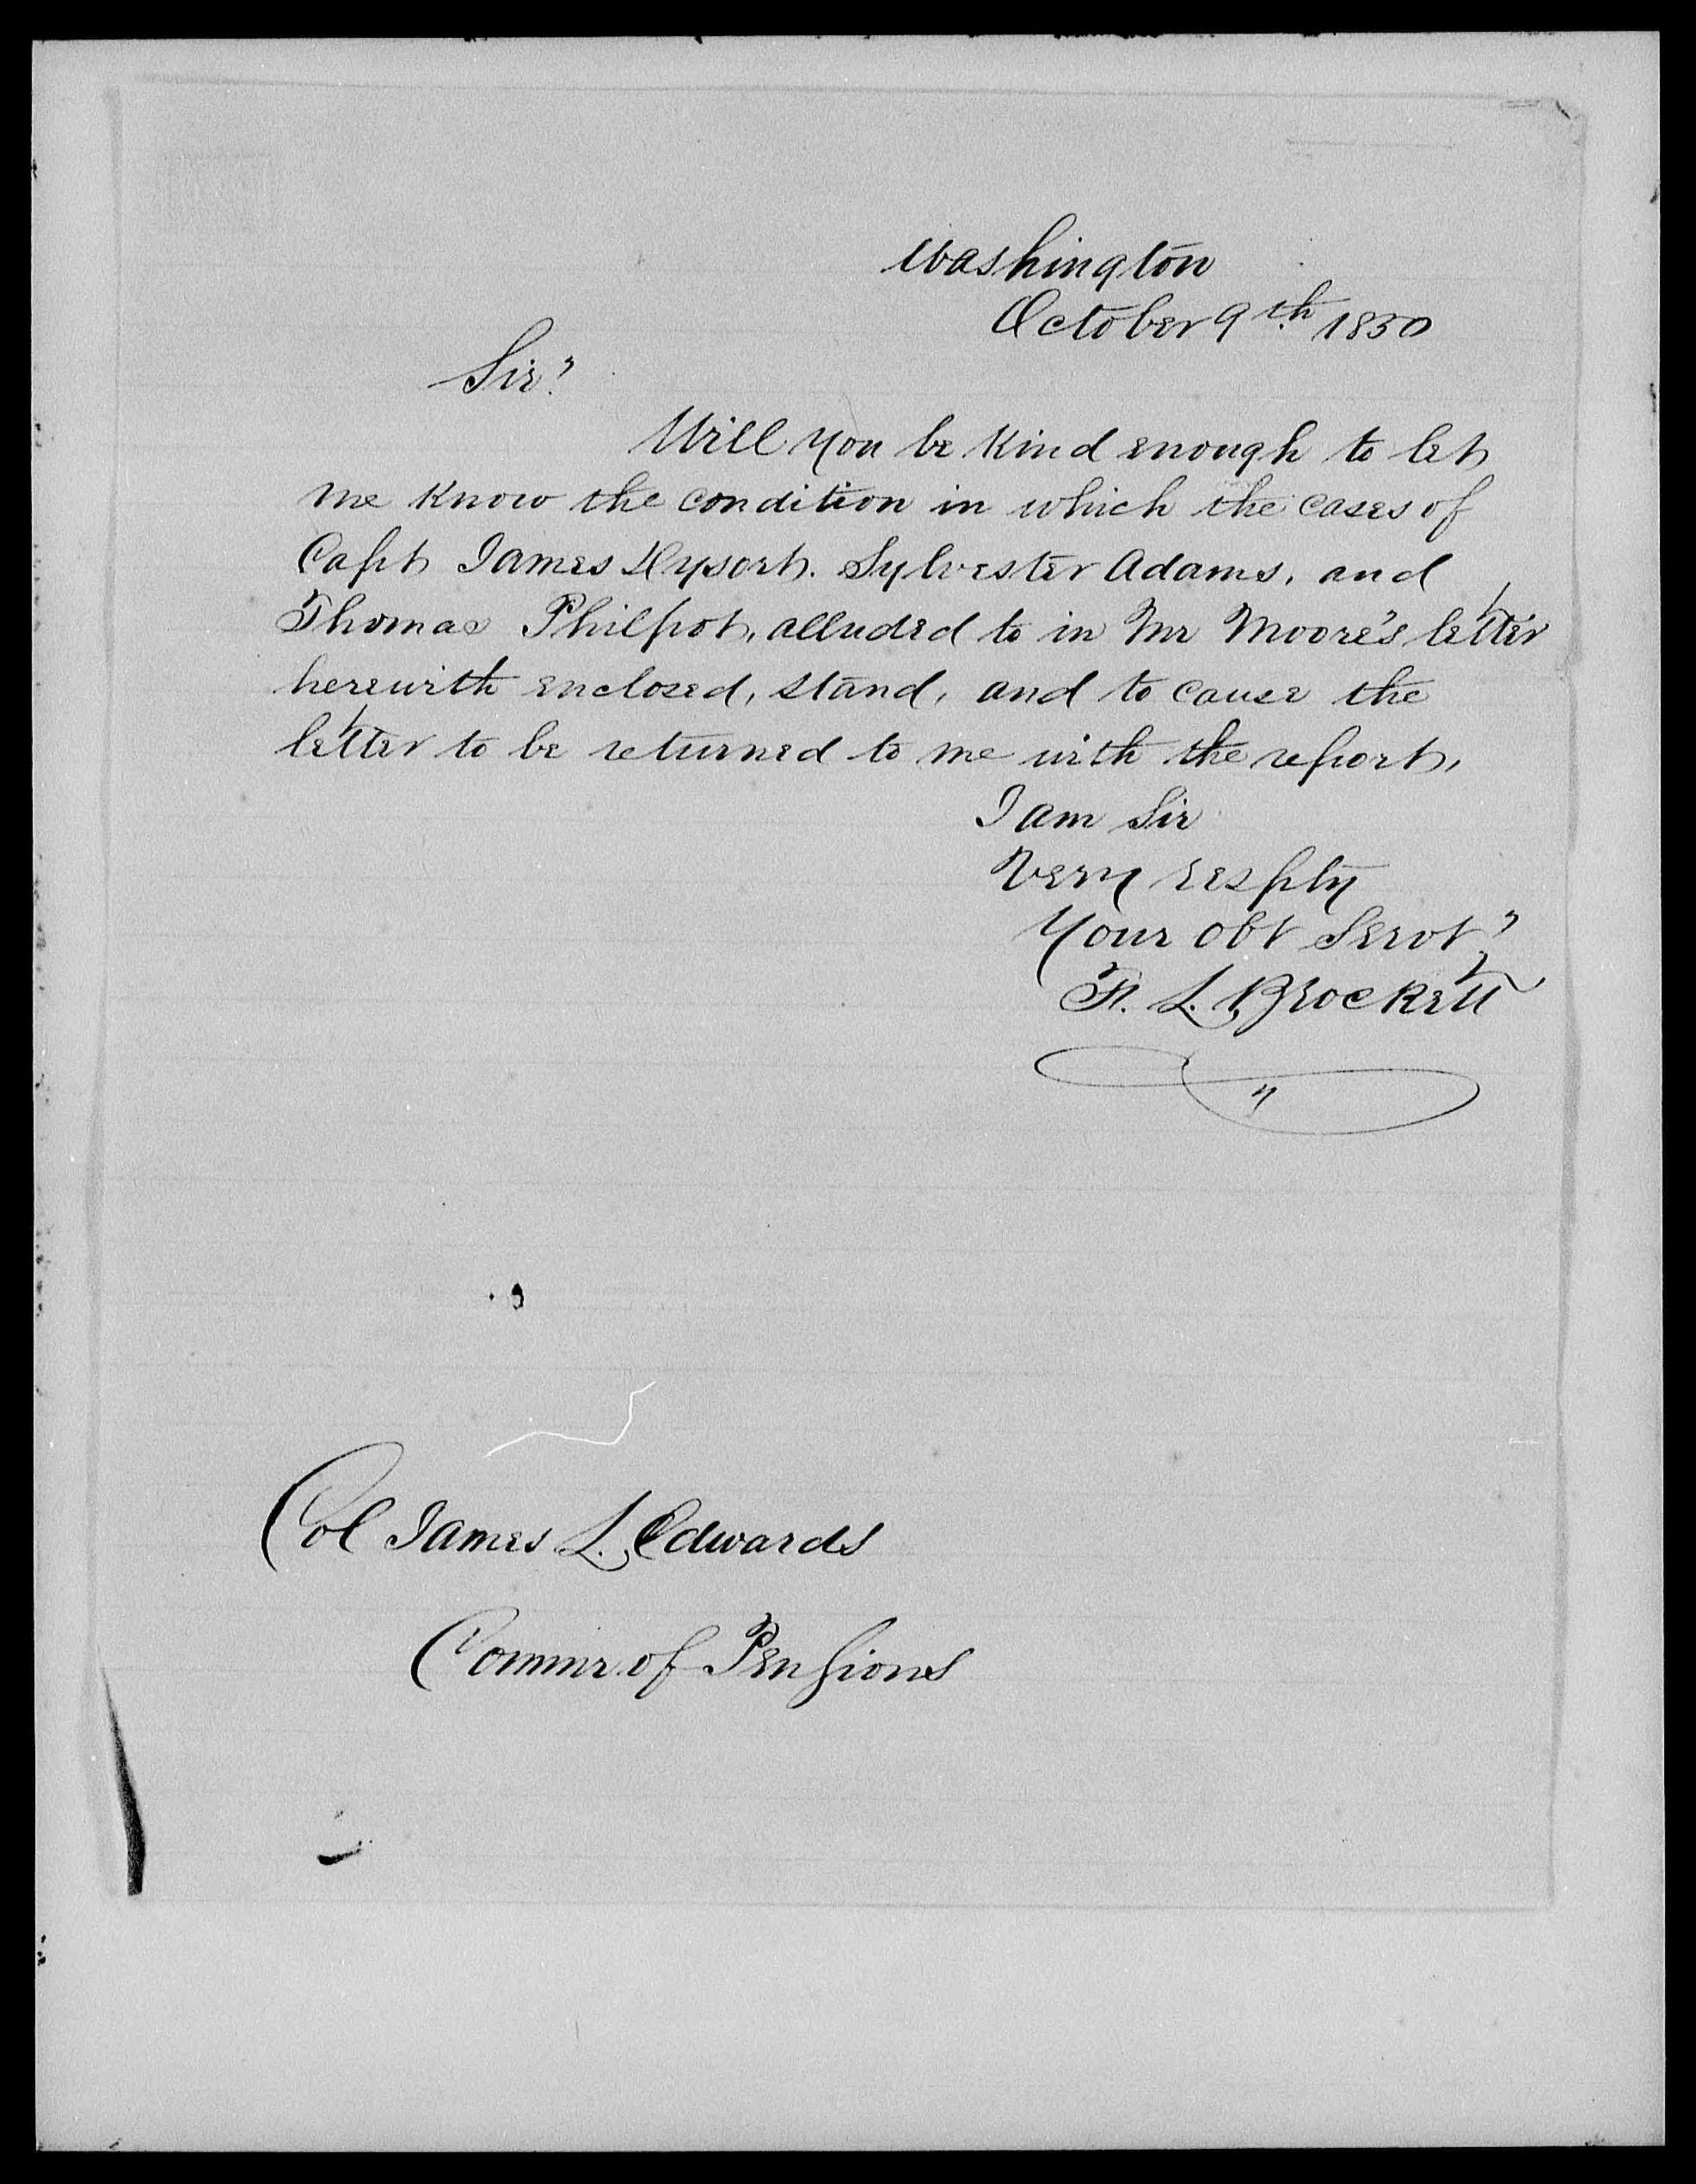Washington
October 9th 1850
Sir Will you be kind enough to let
me know the condition in which the cases of Capt James Dysort. Sylvester Adams, and
Thomas Philpot, alluded to in Mr Moore's letter herewith enclosed, stand, and to cause the letter to be returned to me with the report,
I am Sir
Very resply
Your obt Servt
F. L. Brockett

Col James L Edwards
Commr of Pensions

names: James Dysort; F L Brockett; [BLANK] Moore; Sylvester Adams; James L Edwards; Thomas Philpot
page: 25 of 43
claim: rejected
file: R. 8217, for Thomas Philpot, South Carolina